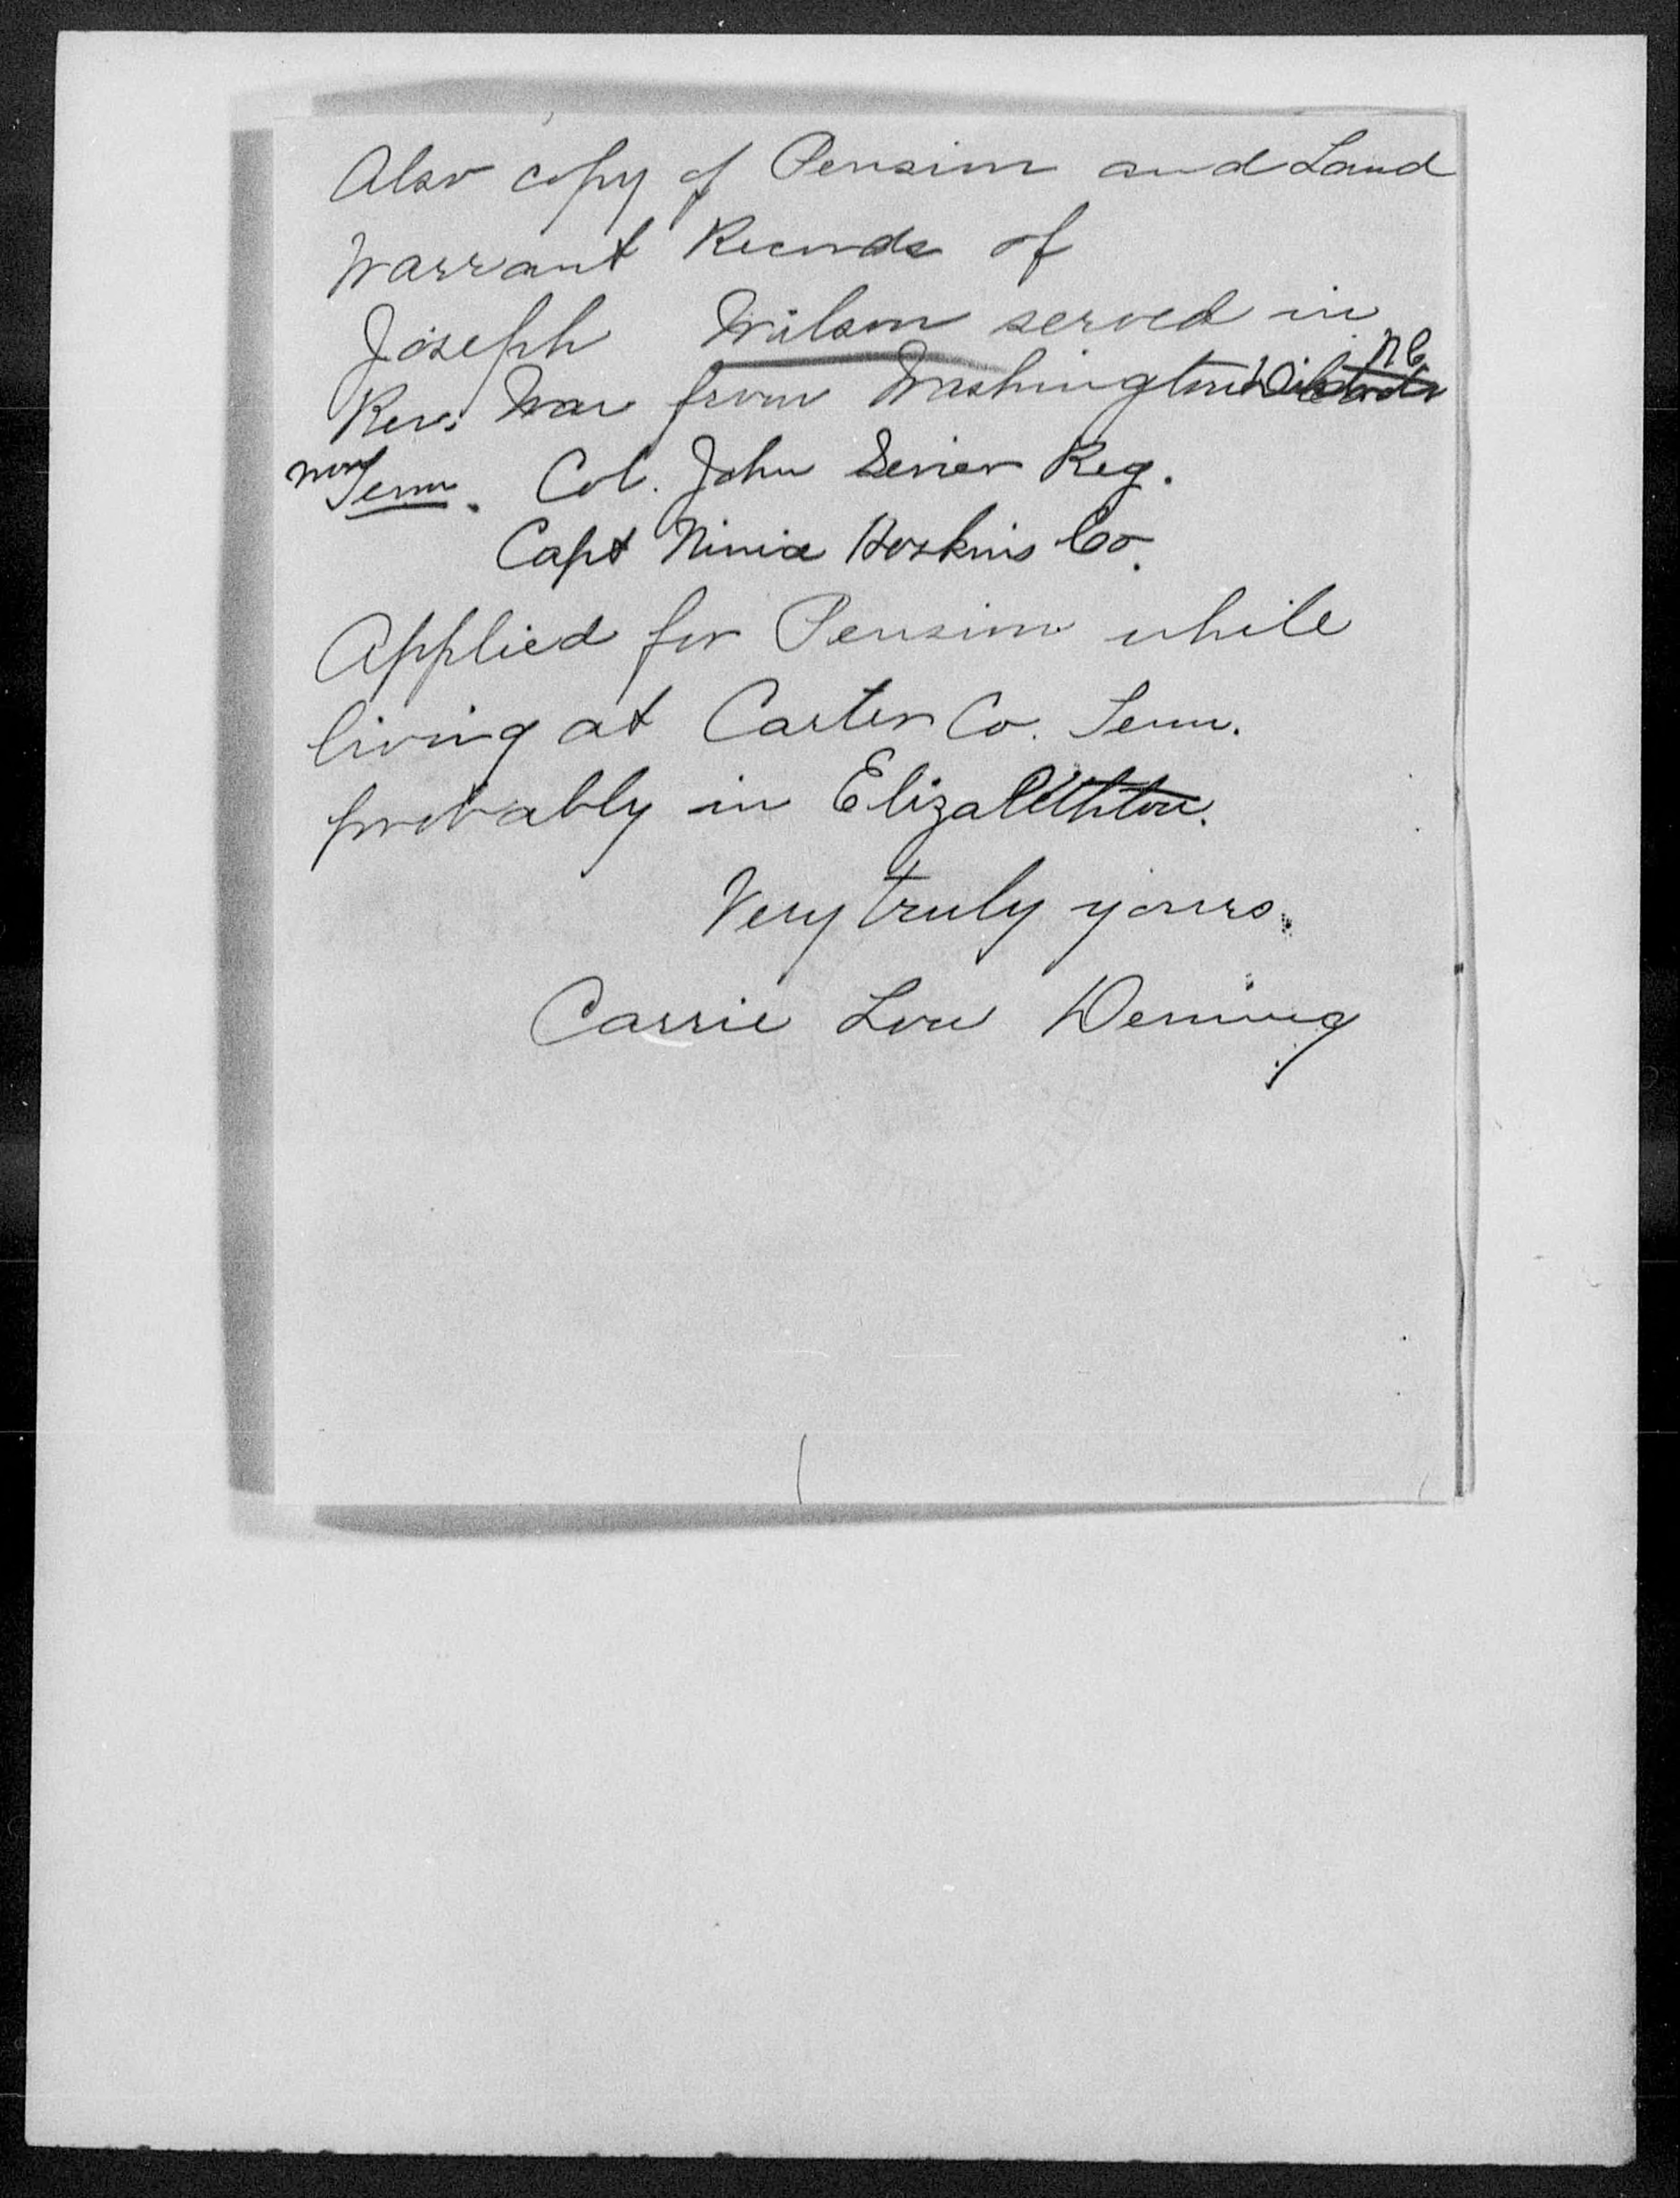Also copy of Pension and Land Warrant Records of Joseph Wilson served in Rev. War from Washington District.
(??) Term.  Col. John Sevier Reg.
                  Capt Nimrod Hoskins Co.

Applied for Pension while living at Carter Co. Tenn. formerly in Elizabethton.

                  Very truly yours

            Carrie Low Deming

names: Joseph Wilson, Carrie Low Deming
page: 35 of 42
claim: survivor's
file: S. 31,595, John Carmickele, Penn.